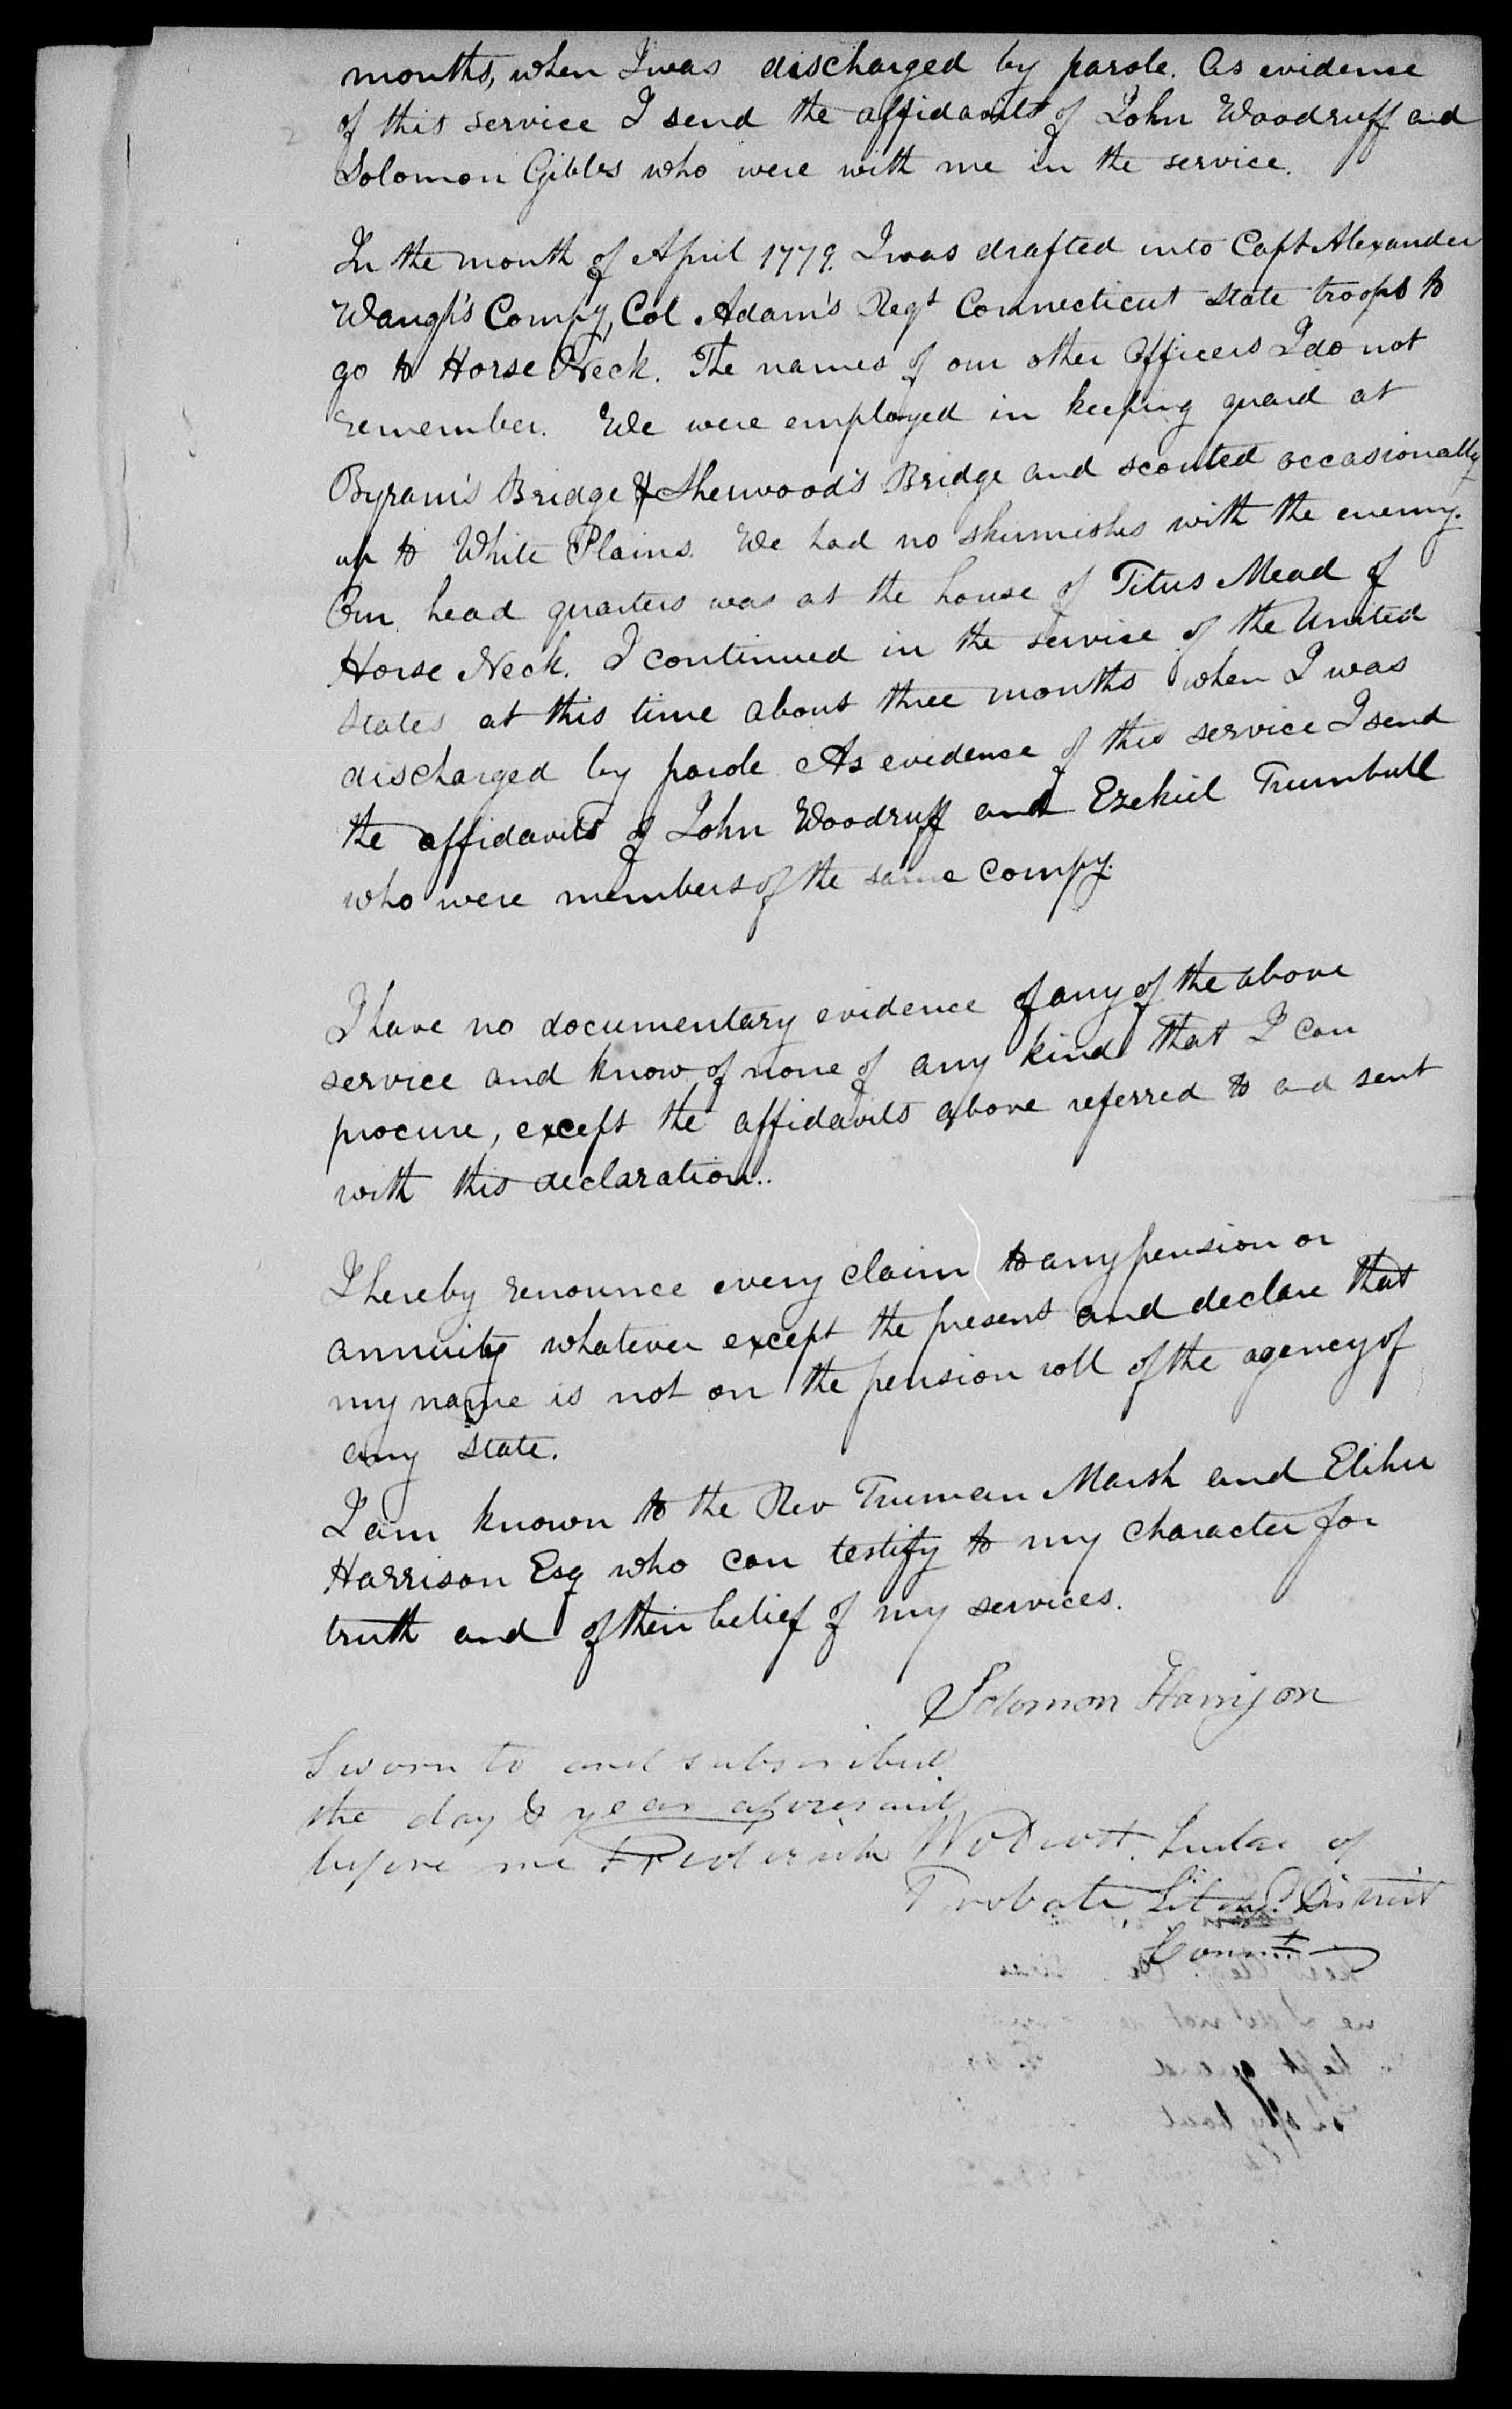months, when I was discharged by parole. As evidence of this service I send the affidavits of John Woodruff and Solomon Gibbs who were with me in the service.
 
In the month of April 1779 I was drafted into Capt. Alexander Waugh's Company, Col. Adam's Regt. Connecticut state troops to go to Horse Neck. The names of our other officers I do not remember. We were employed in keeping guard at Bryan's Bridge & Sherwood's Bridge and scouted occasionally up to White Plains. We had no skirmishes with the enemy. Our head quarters was at the house of Titus Mead of Horse Neck. I continued in the service of the United States at this time about three months when I was discharged by parole. As evidence of this service I sent the affidavits of John Woodruff and Ezekiel Trumbull who were members of the same company.
 
I have no documentary evidence of any of the above service and know of none of any kind that I can procure, except the affidavits above referred to and sent with this declaration.
 
I hereby renounce every claim to any pension or annuity whatever except the present and declare that my name is not on the pension roll of the agency of any state.
 
I am known to the Rev. Truman Marsh and Elihu Harrison Esq. who can testify to my character for truth and of their belief of my services. 

Solomon Harrison

Sworn to and subscribed the day & year aforesaid before me Frederick Wolcott Judge of Probate Litchfield District Connt.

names: Frederick Wolcott, Titus Mead, John Woodruff, Ezekiel Trumbull, Solomon Harrison, Solomon Gibbs, John Woodruff, Elihu Harrison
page: 5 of 22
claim: survivor's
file: S. 16137, Solomon Harrison, Conn.